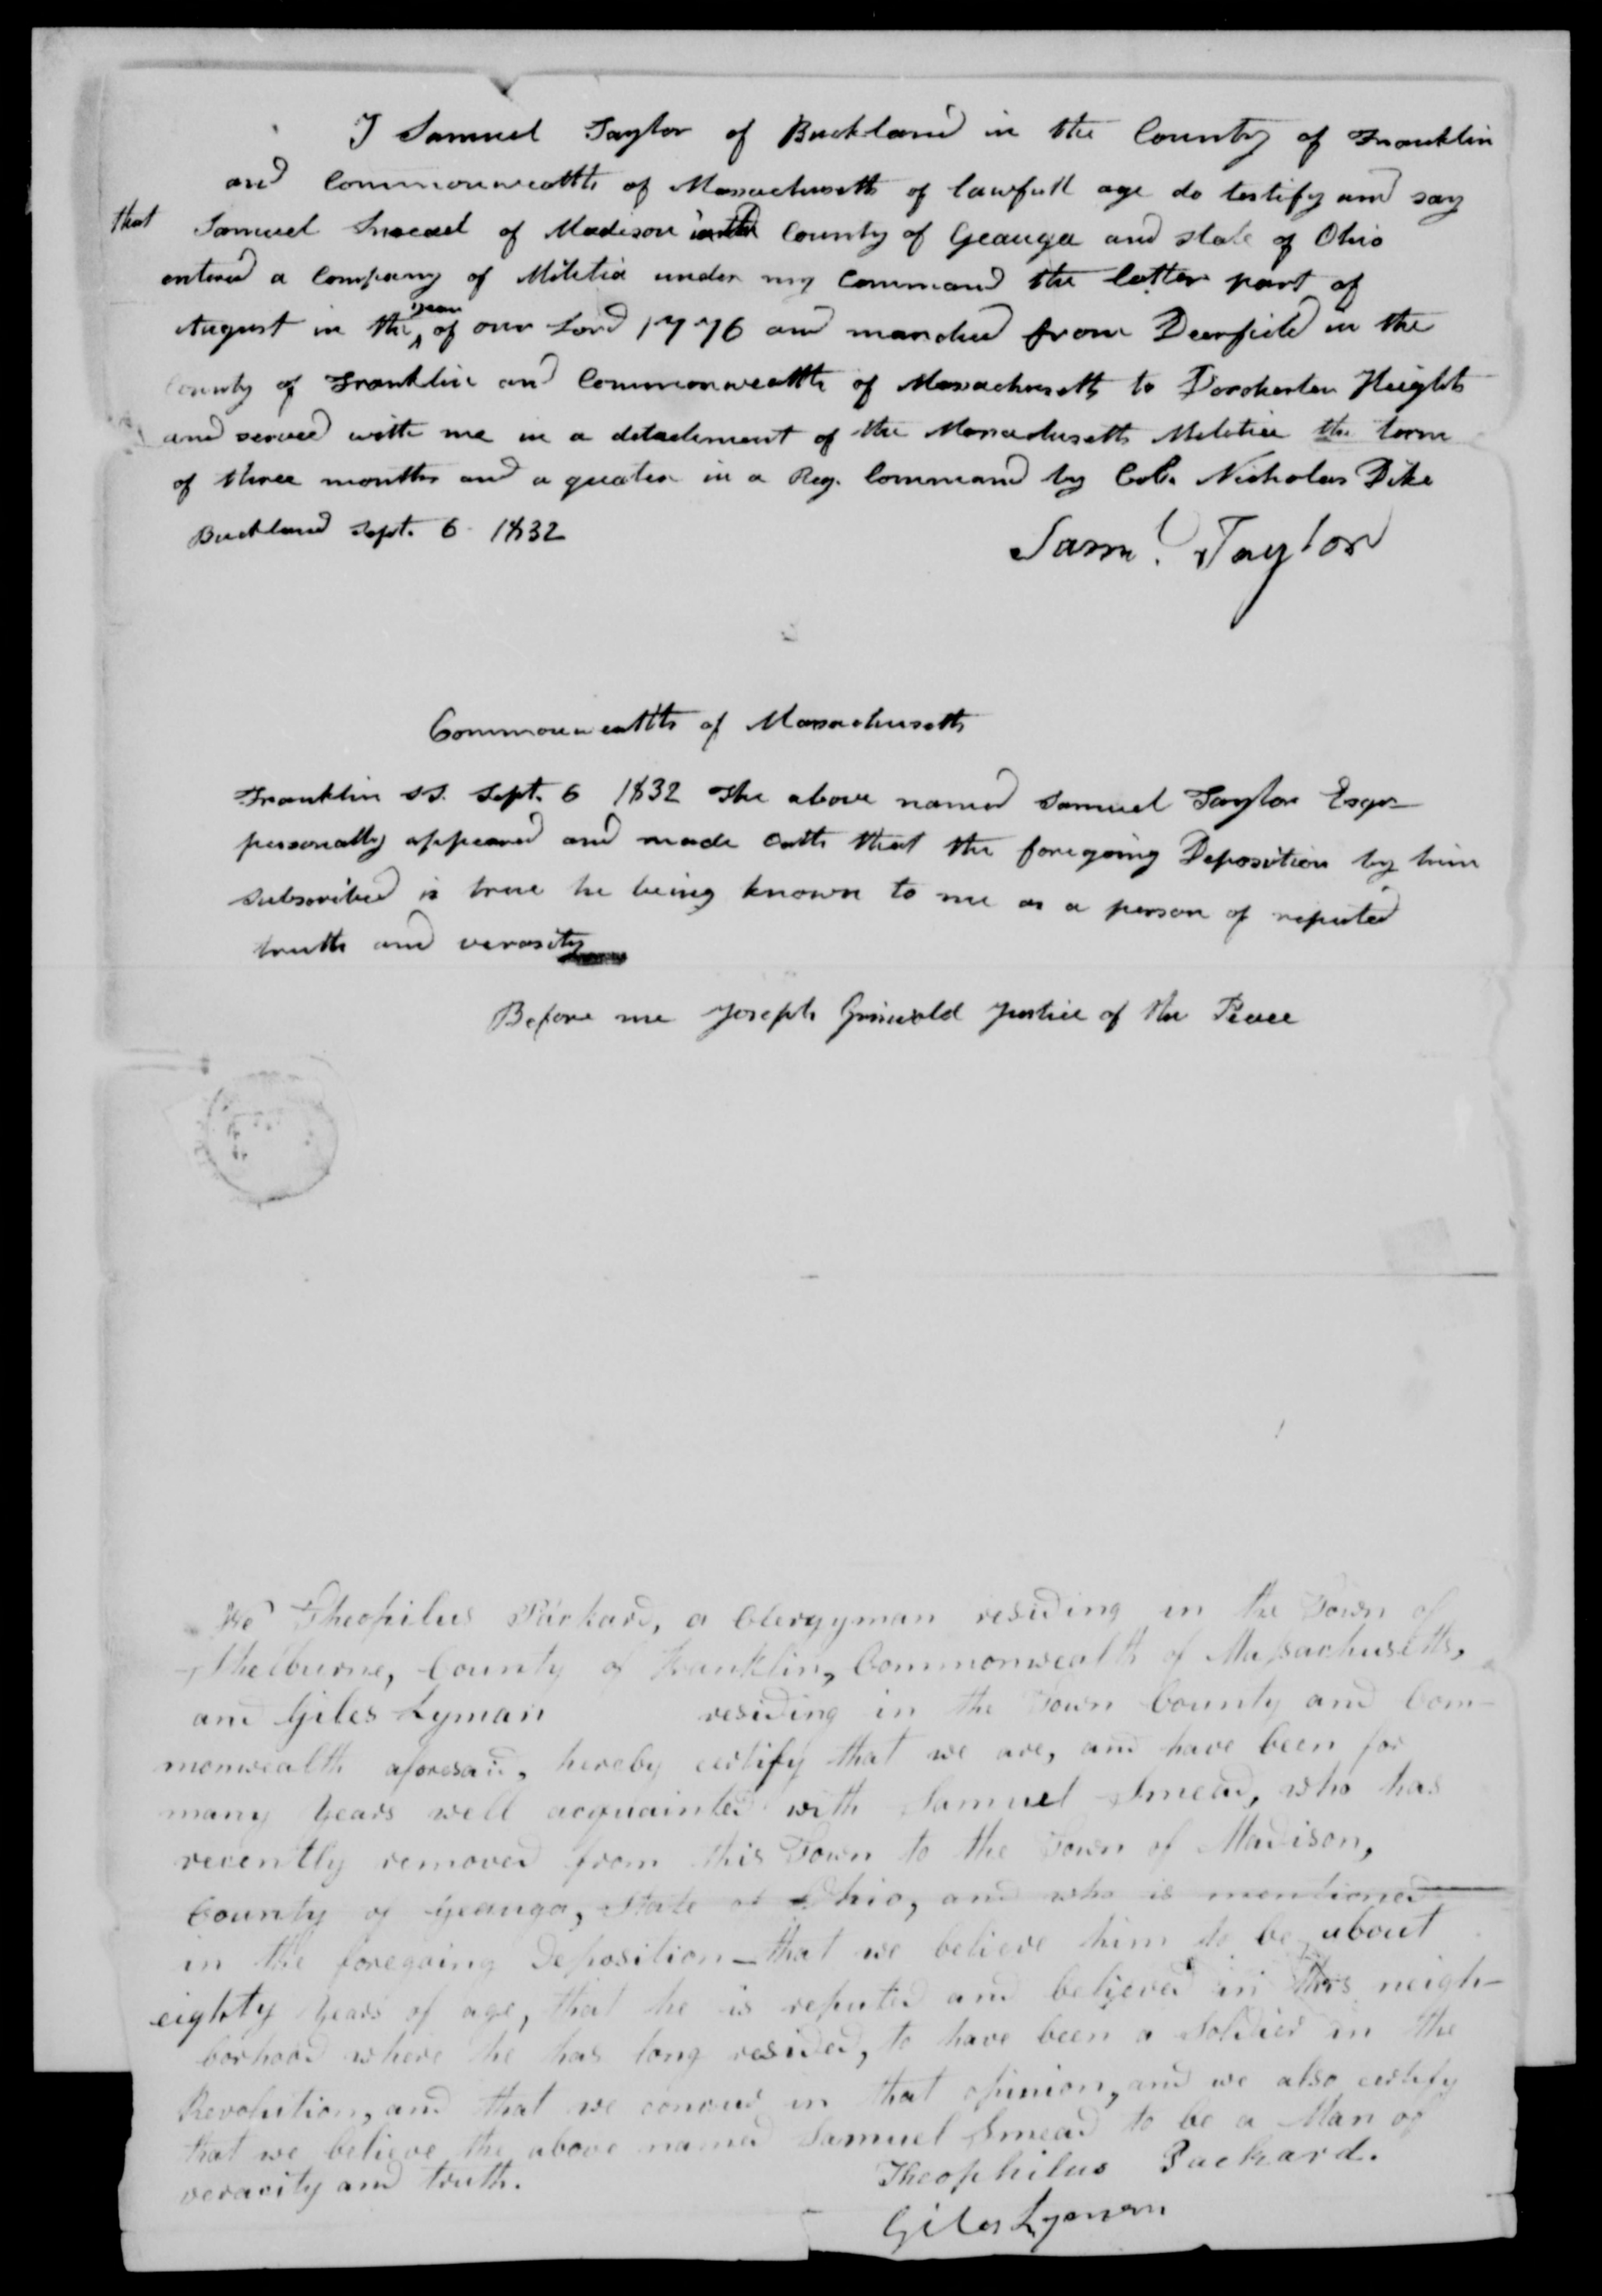I Samuel Taylor of Buckland in the County of Franklin and Commonwealth of Massachusetts of lawfull age do testify and say Samuel Snead of Madison in the County of Geauga and State of Ohio entered a company of Militia under my command the latter part of August in the of our Lord 1776 and marched from Deerfield in the County of Franklin and Commonwealth of Massachusetts to Dorchester Height and served with me in a detachment of the Massachusetts Militia the term of three months and a quarter in a Reg. command by Col. Nicholas Pike Bubkland Sept. 6. 1832 
Saml Taylor 

Commonwealth of Massachusetts Franklin SS. Sept. 6 1832 The above named Samuel Taylor Esq personally appeared and made oath that the foregoing Deposition by him subscribed is true he being known to me as a person of reputed truth and veracity
Before me Joseph Griswold Justice of the Peace 

Mr. Theophilus Packard a Clergyman residing in the Town of Shelburne, County of Franklin, Commonwealth of Massachusetts and Giles Lyman residing in the Town County and Commonwealth aforesaid, hereby certify that we are, and have been for many years well acquainted with Samuel Smead, who has recently removed from this Town to the Town of Madison County of Geauga, State of Ohio, and who is mentioned in the foregoing deposition - that we believe him to be about eighty years of age, that he is reputed and believed in this neighborhood where he has long resided, to have been a Soldier in the Revolution, and that we concur in that opinion, and we also certify that we believe the above named Samuel Smead to be a man of veracity and truth
Theophilus Packard. 
Giles Lyman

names: Giles Lyman; Giles Lyman; Samuel Taylor; Samuel Smead; Samuel Taylor; Joseph Grisnold; Samuel Smead; Saml Taylor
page: 16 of 18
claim: survivor's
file: S. 18,605, for Samuel Smead, Massachusetts